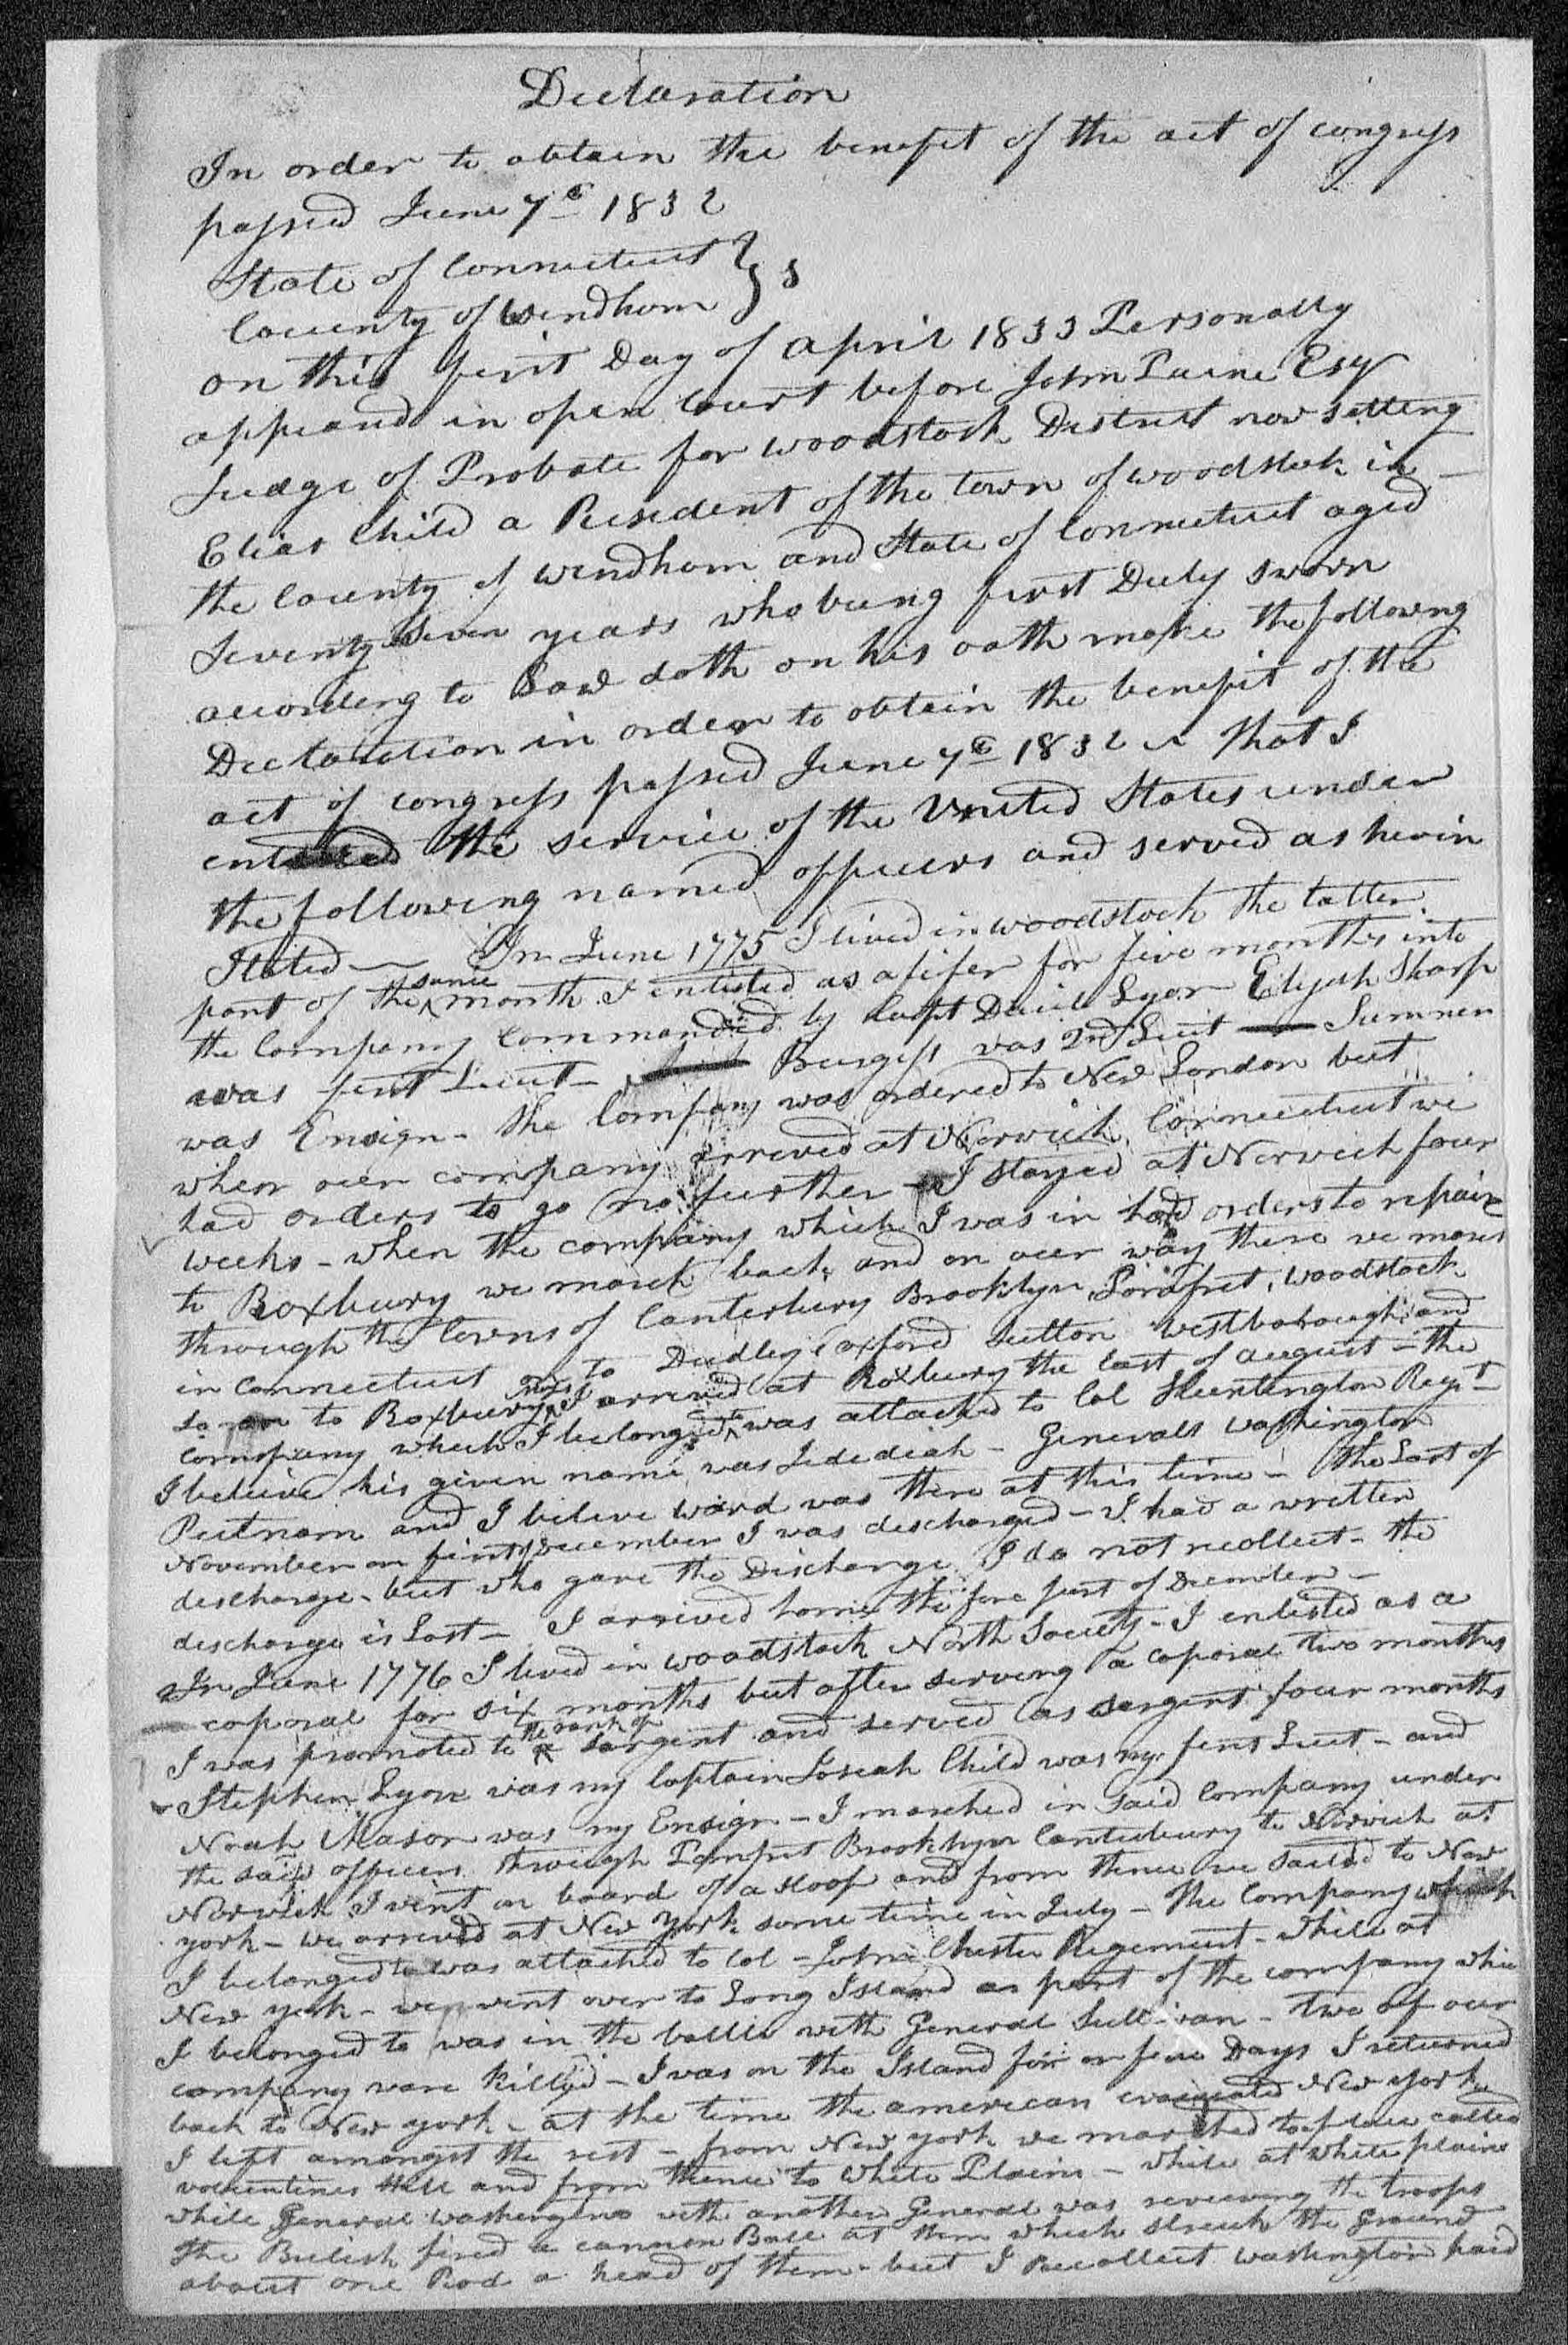Declaration
In order to obtain the benefit of the act of Congress passed June 7th 1832
State of Connecticut County of Windham SS
On this first day of April 1832 Personally appeared in open court before John Laine Esq Judge of Probate for Woodsloch District now setting Elias Child a resident of the town of Woodsloch in the county of Windham and state of Connecticut aged seventy seven years who being first duly sworn according to law doth on his oath make the following declaration in order to obtain the benefit of the act of Congress passed June 4th 1832 - That I entered the service of the United States under the following named officers and served as herein States - 
In June 1775 I lived in Woodsloch the latter part of the same month I enlisted as a fifer for five months into the company commanded by Capt David Lyon. Elijah Sharp was first lieut - Burgess was 2nd Lieut - Sumner was Ensign. The company was ordered to New London but when our company arrived at Norwich Connecticut we had orders to go no further & stayed at Norwich four weeks when the company which I was in had orders to repair to Roxbury we march back and on our way there we march through the towns of Canterbury, Brooklyn, Pomfret, Woodstock in Connecticut onto Dudley, Oxford, Sutton, Westborough and London to Roxbury. Last we arrived at Roxbury the last of August - 
The company which I belonged to was attached to Col Huntington Regt. I believe his given name was Jedediah - General Washington Putnam and I believe Ward was there at this time - The last of November on first December I was discharged  - I had a written discharge but who gave the Discharge. I do not recollect - the discharge is lost. I arrived home the fore first of December - 
In June 1776I lived in Woodstock North Society - I enlisted as a corporeal for six months but after serving a corporeal two months I was promoted to the rank of sergeant and service as sergeant four months. Stephen Lyon was my Captain. Joseph Child was my first lieut and Noah Mason was my Ensign - I marched in said company under the said officers through Pomfret, Brooklyn, Canterbury, to Norwich at Norwich. I west on board of a roof and from there we sailed to New York - we arrived at New York some time in July - the company which I belonged to was attached to Col John Chester Regiment - While at New York we went over to Long Island as part of the company which I belonged to was in the battle with General Sullivan  - Two of our company were killed - I was on the Island four or five days. I returned back to New York at the time the American evacuated New York. I left amongst the rest from New York - we marched to a plain called volunteers there and from thence to White Plains - While at White Plains which General Washington with another General was surveying the troops. The British fired a cannon ball at them which struck the ground about one pod a head of them, but I recollect Washington said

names: Noah Mason, Joseph Child, Washington, Elijah Sharp, Washington, Elias Child, John Paine, Sumner, Stephen Lyon, Washington Putnam, Jedediah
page: 12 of 34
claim: survivor's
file: S. 31,605, Elias Child, Conn.